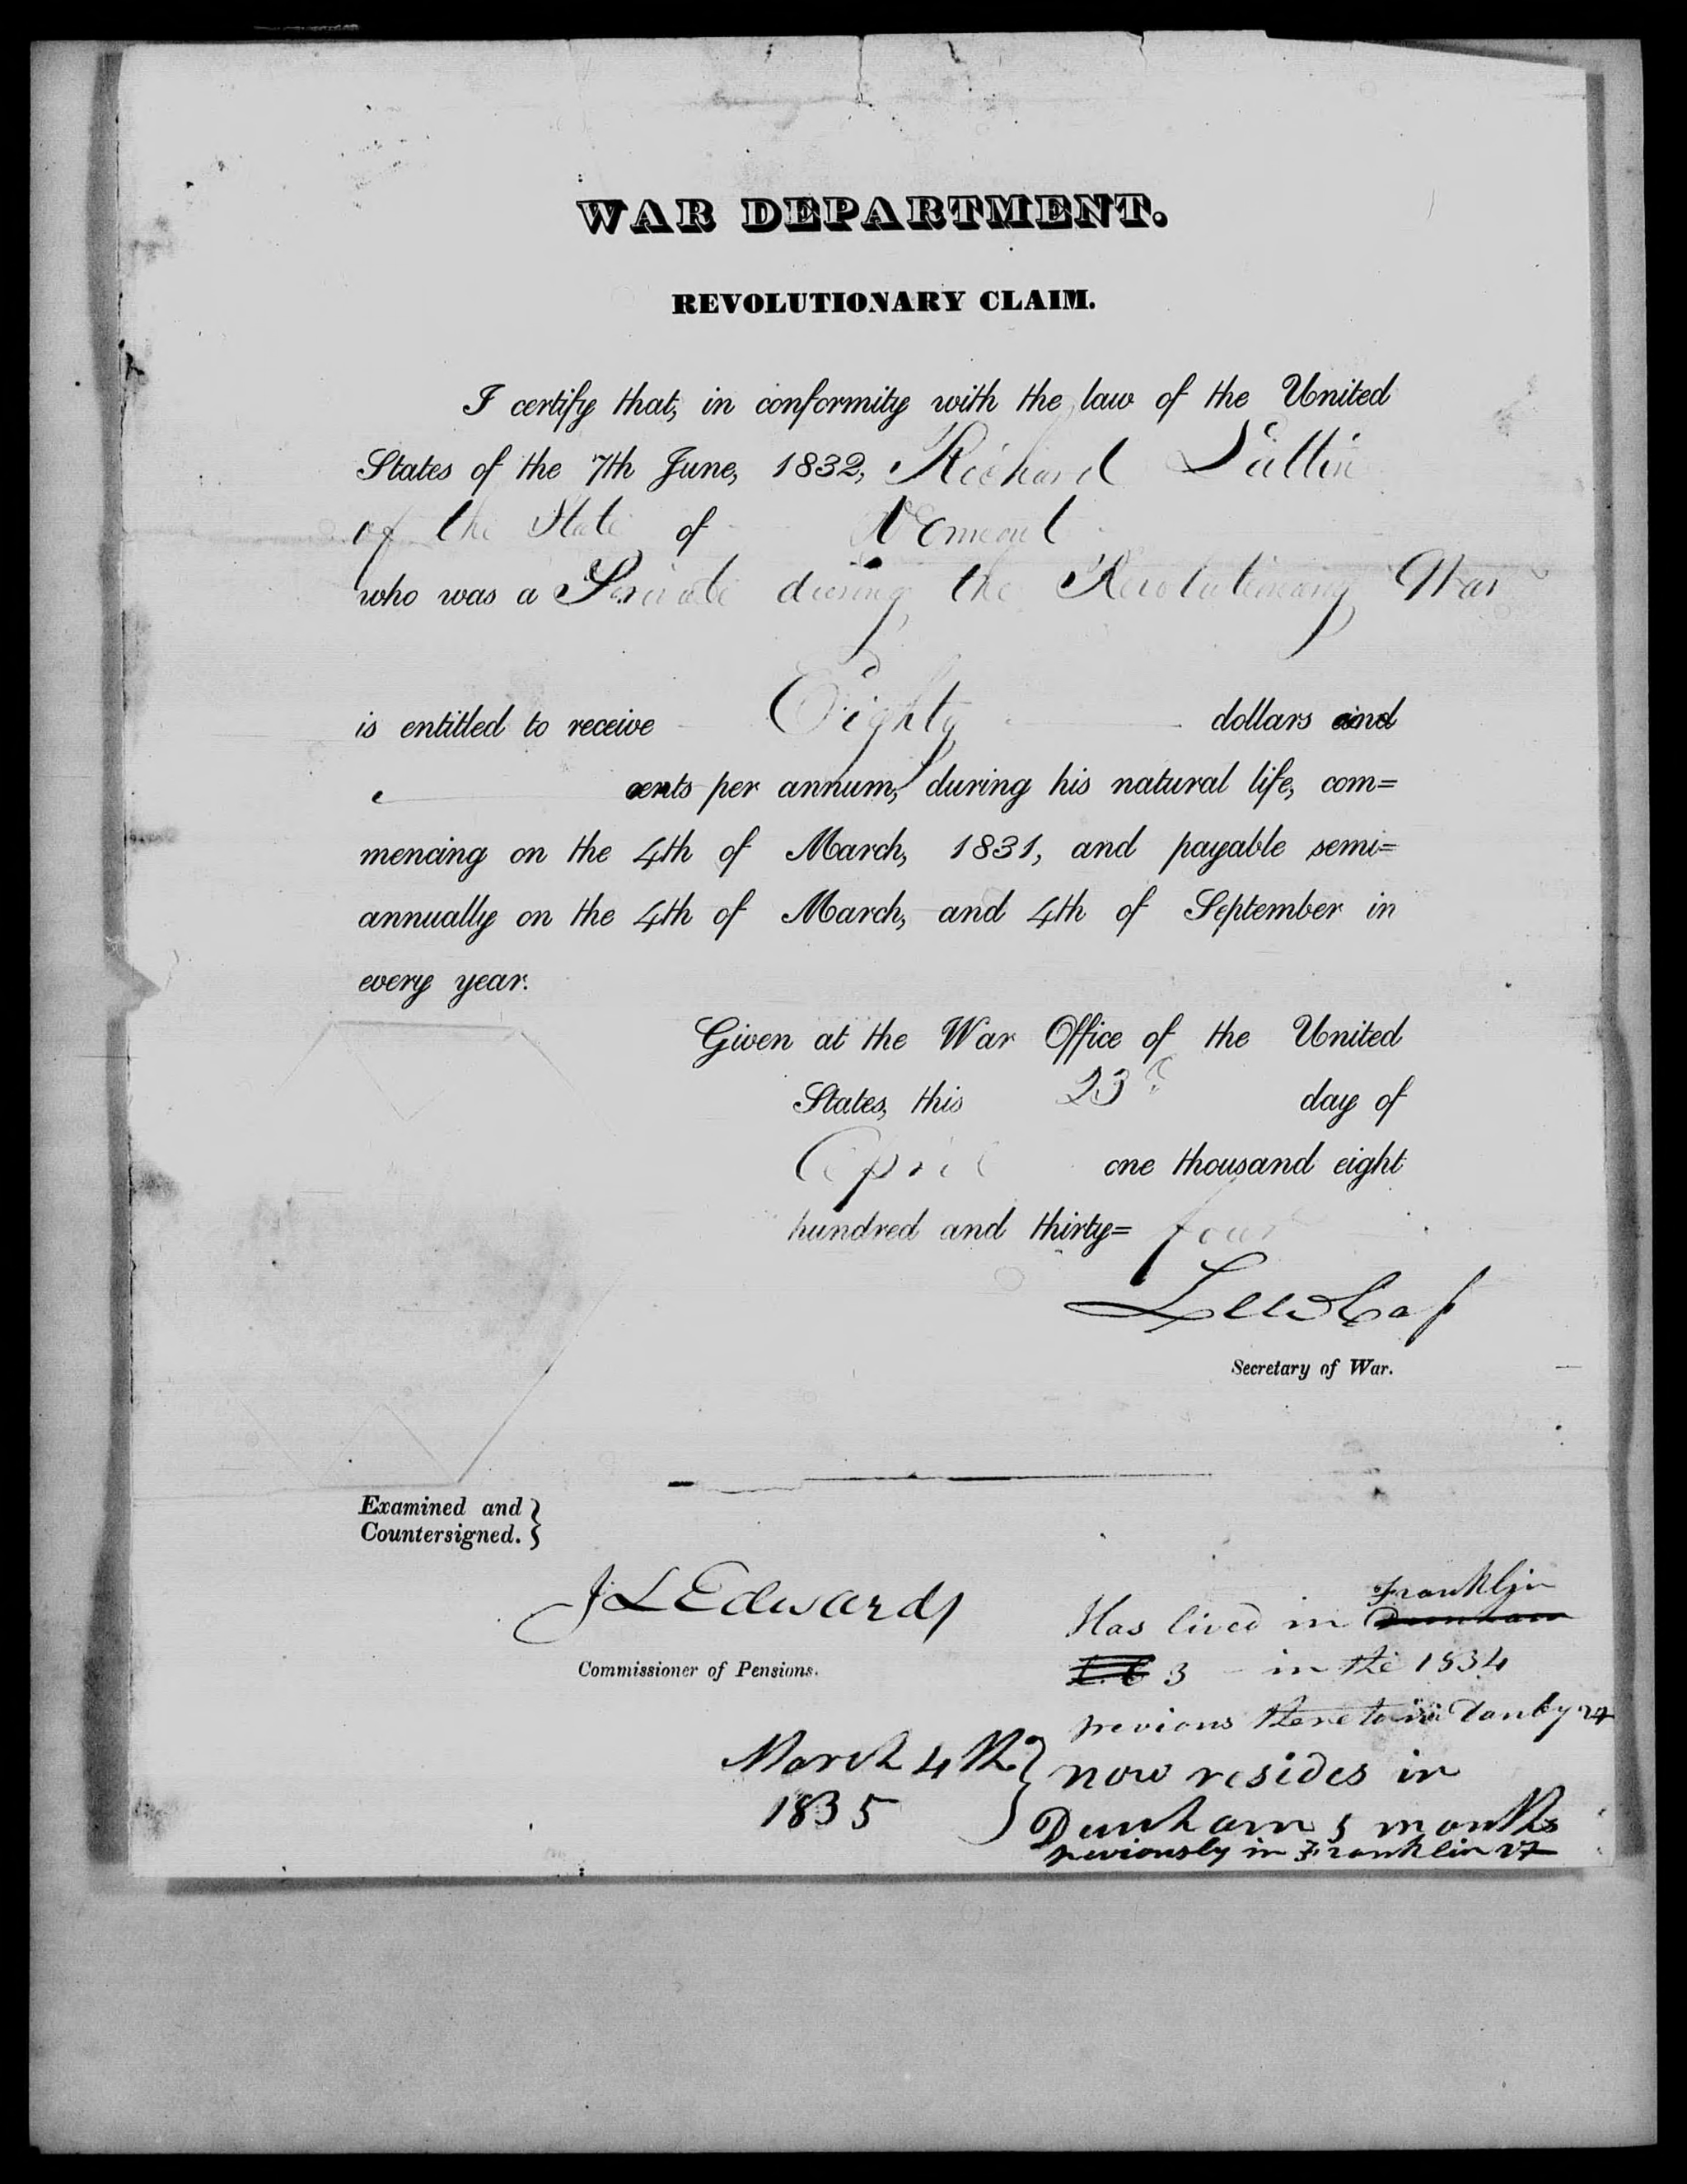WAR DEPARTMENT
REVOLUTIONARY CLAIM.
I certify that in conformity with the law of the United States
of the 7th June, 1832, Richard Lattin of the State of Vermont.
who was a Private during the Revolutionary War
is entitled to receive Eighty dollars and –
cents per annum, during his natural life, commencing
on the 4th of March, 1831, and payable semiannually
on the 4th of March, and 4th of September in
every year.
Given at the War Office of the United States, this
23d day of April  one thousand eight hundred and thirty four.
Lewis Cass
Secretary of War.

Examined and
Countersigned. }
J L Edwards
Commissioner of Pensions.

{March 4th 1835}
Has lived in Franklin
3 in the 1834
previous thereto Danby 24
now resides in Dunham 5 months
 previously in Franklin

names: J L Edwards; Lew Cass; Richard Lattin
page: 66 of 99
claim: widow's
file: W. 24,482, for Richard Lattin, Vermont